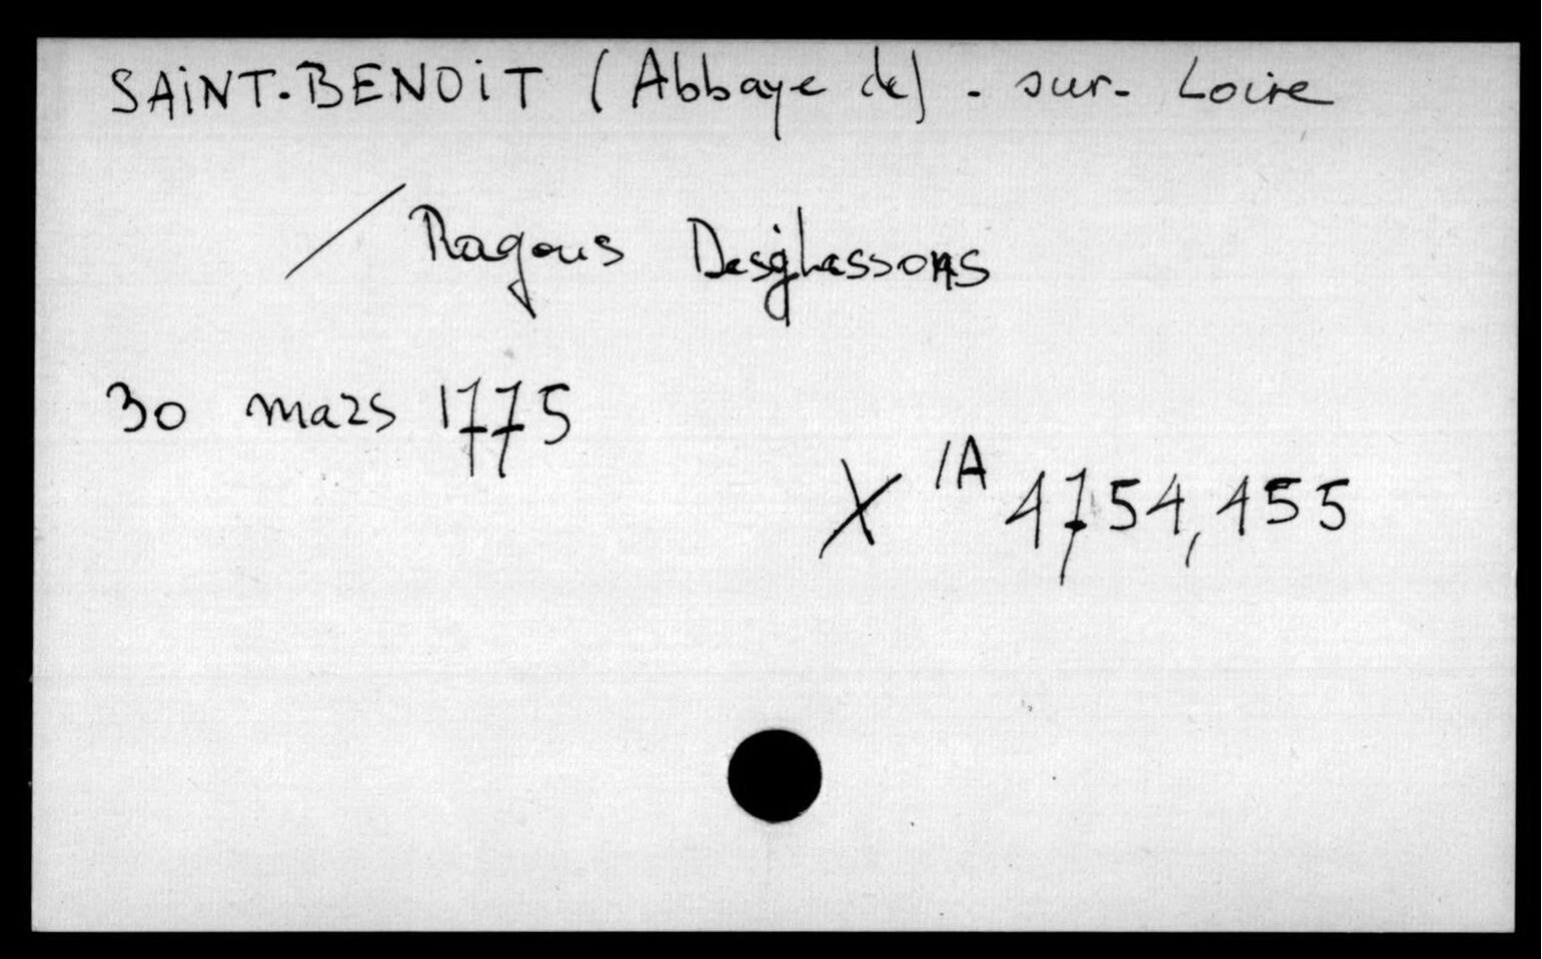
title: SAINT-BENOIT (Abbaye de) - sur-Loire
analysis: Contre Ragons Desplassons
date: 30 mars 1775
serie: X1A
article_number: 4754
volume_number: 455
